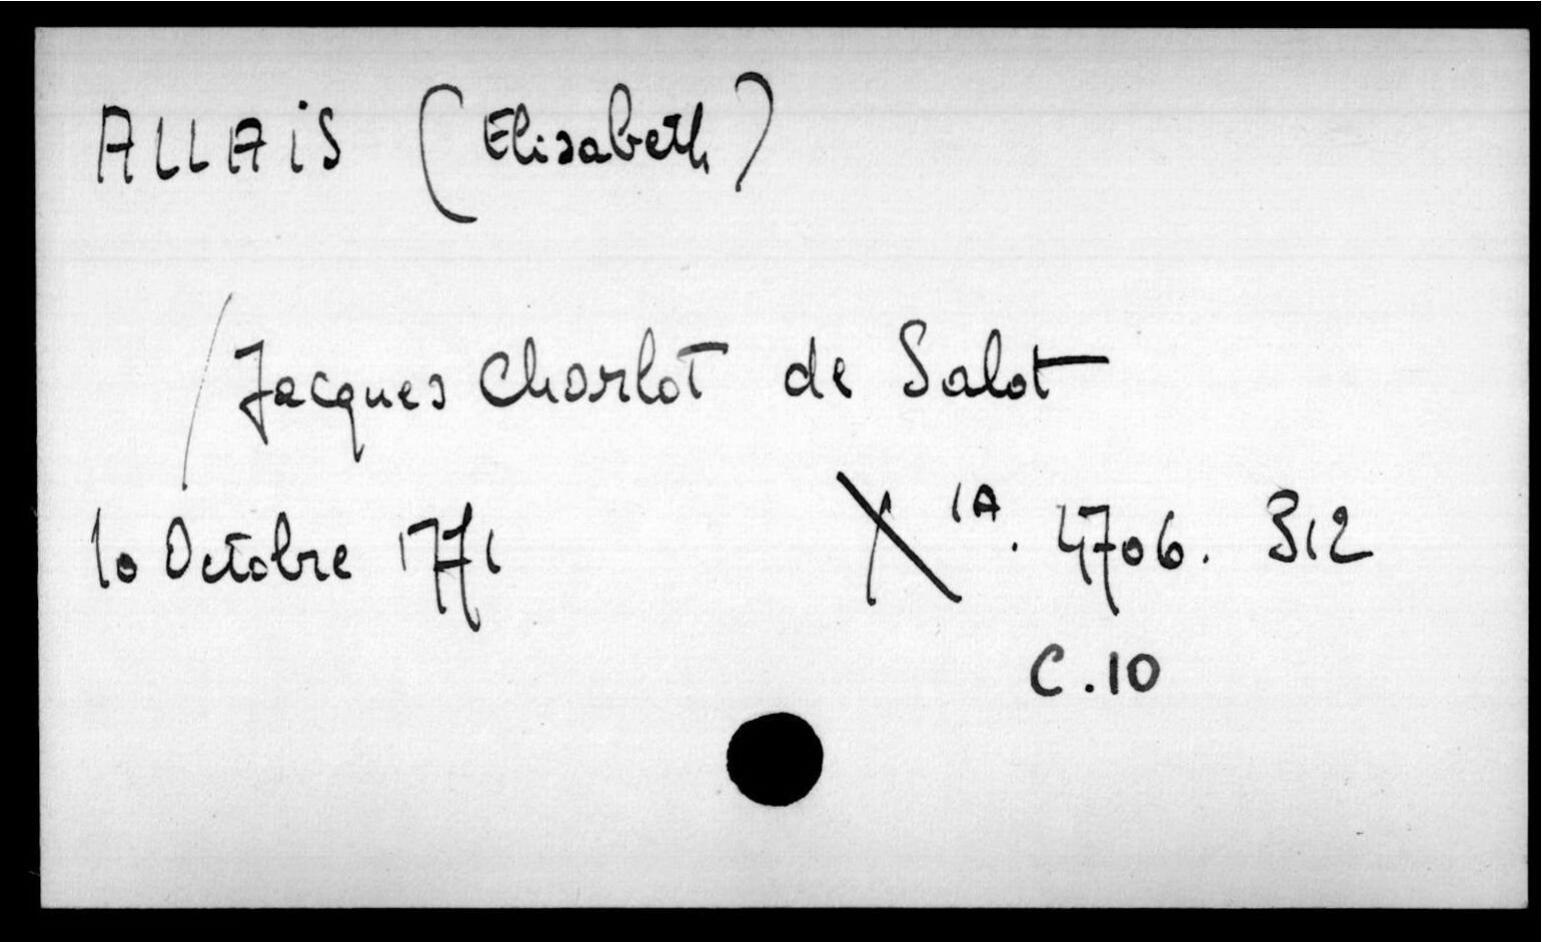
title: ALLAIS (Élisabeth)
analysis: Contre Jacques Charlot de Salot
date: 10 octobre 1771
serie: X1A
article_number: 4706
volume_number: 312 Conseil, 10
